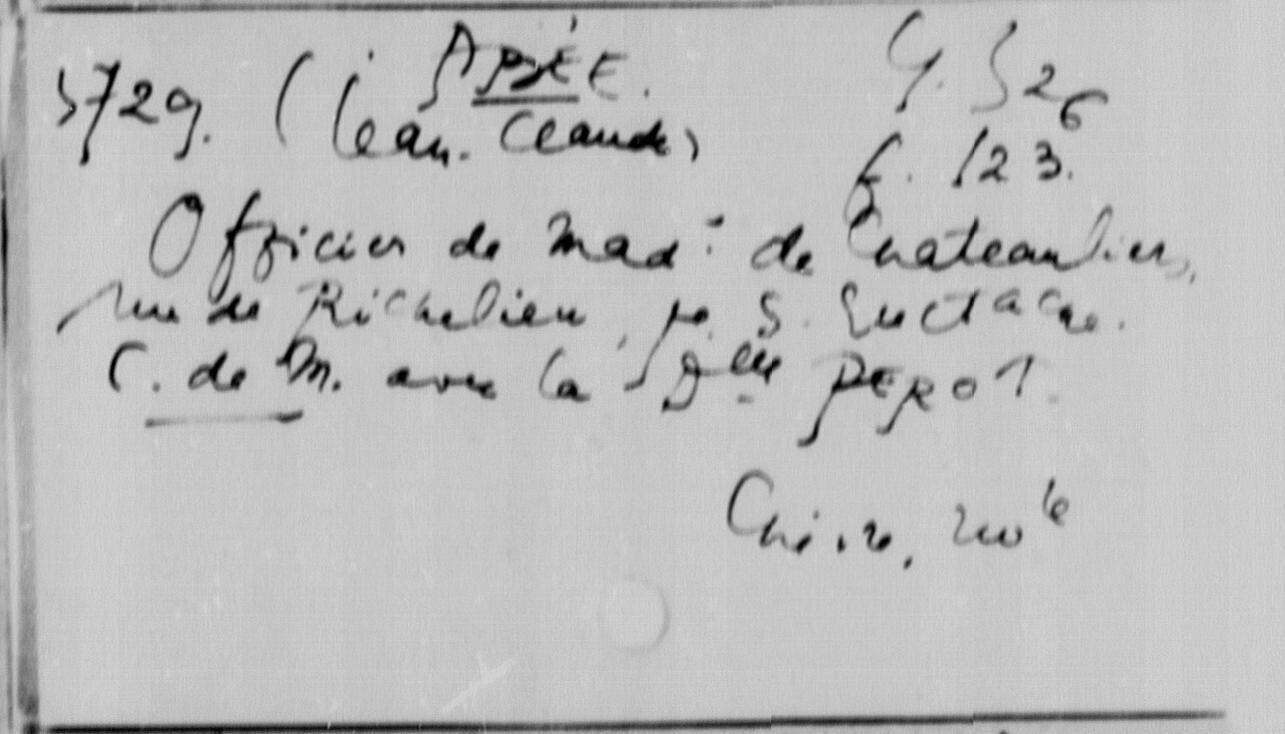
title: ABÉE (Jean-Claude)
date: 1729
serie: Y
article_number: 326
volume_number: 123
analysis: Officier de madame de Châteauliers, rue de Richelieu, paroisse Saint-Eustache. Contrat de mariage avec la demoiselle PEROT. Chèvre, notaire.
